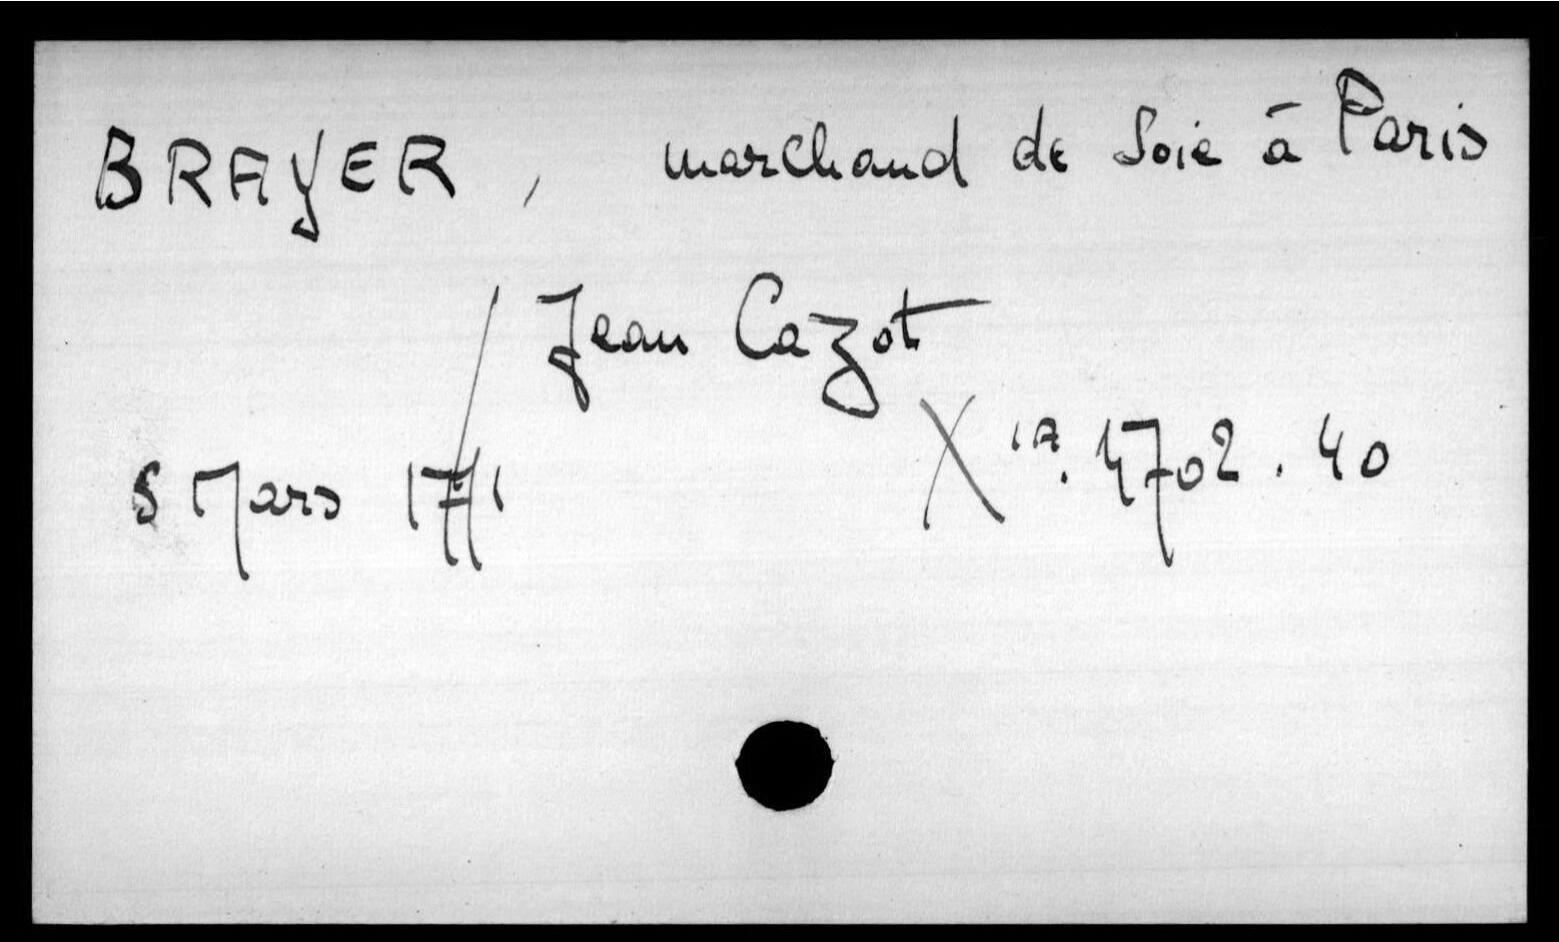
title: BRAYER marchand de soie à Paris
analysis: Contre Jean Cazot
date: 5 mars 1771
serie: X1A
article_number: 4702
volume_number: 40
